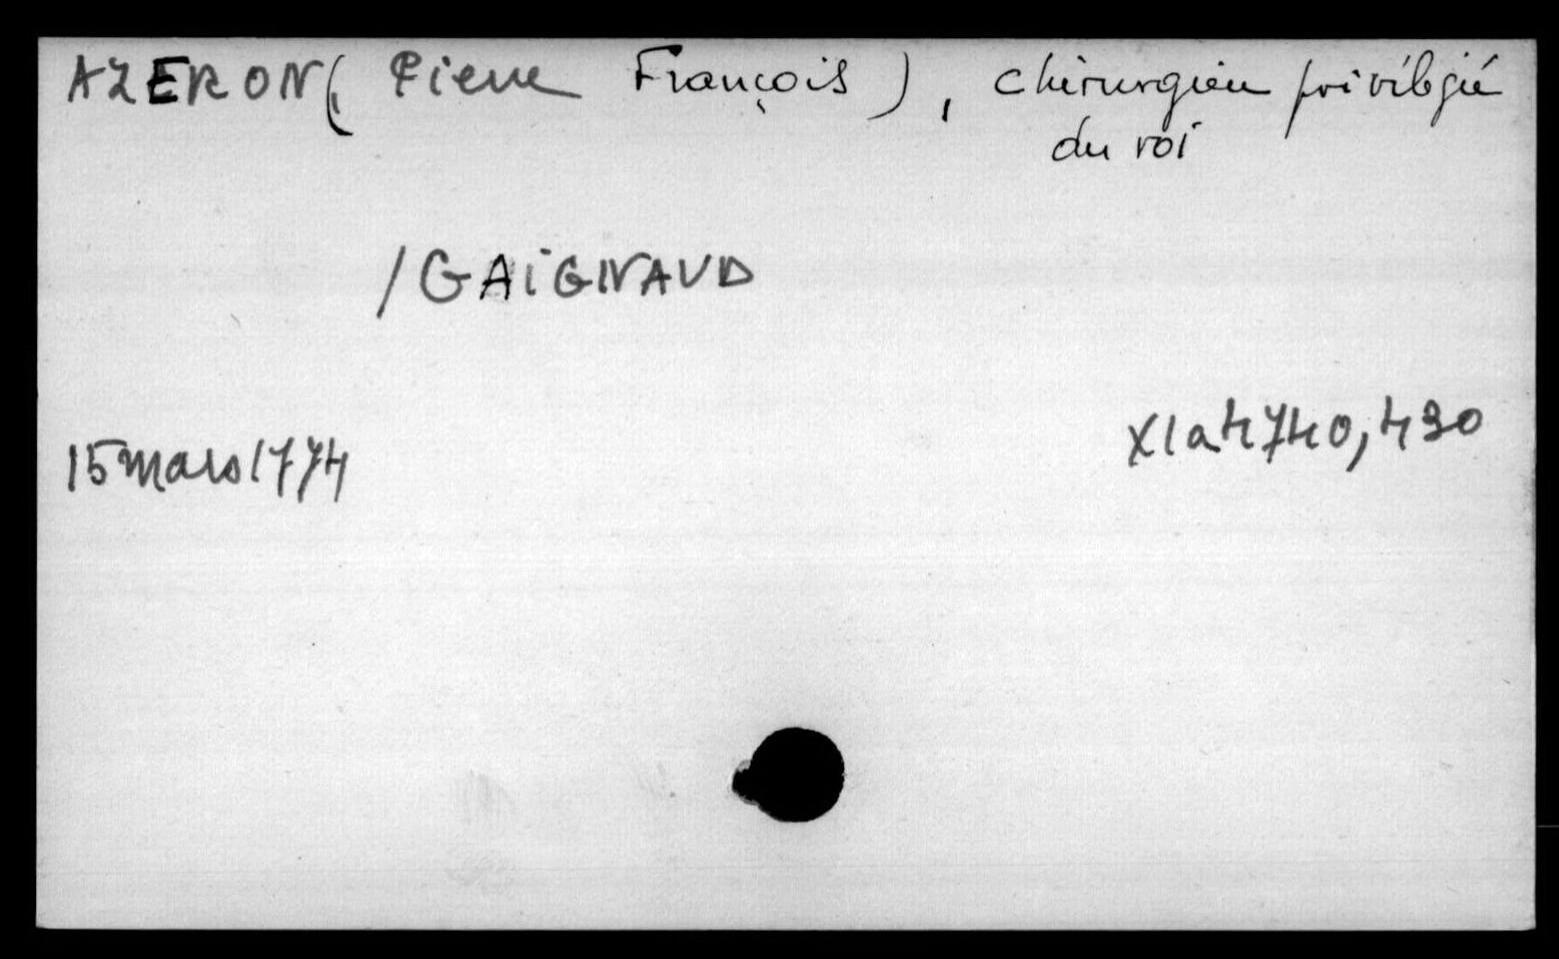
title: ALERON (Pierre François), chirurgien privilégié du roi
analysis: Contre GAIGNAUD
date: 15 mars 1774
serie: X1a
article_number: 4740
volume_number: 430
